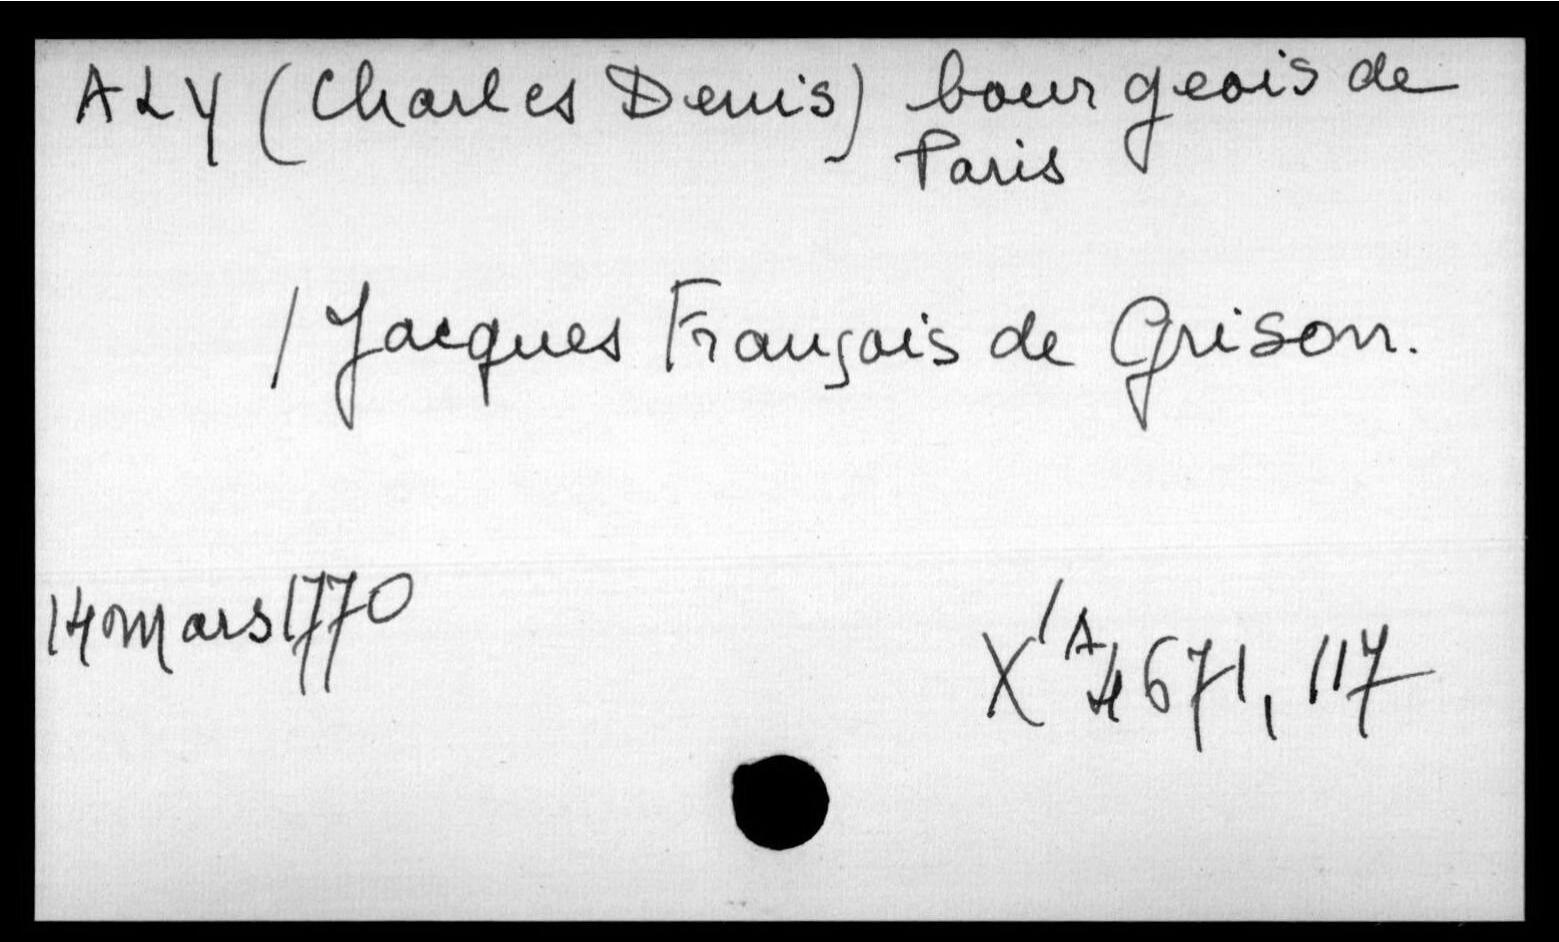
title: ALY (Charles Denis) bourgeois de Paris
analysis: Contre Jacques François de Grison
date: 14 mars 1770
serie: X1A
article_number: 4671
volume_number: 117
